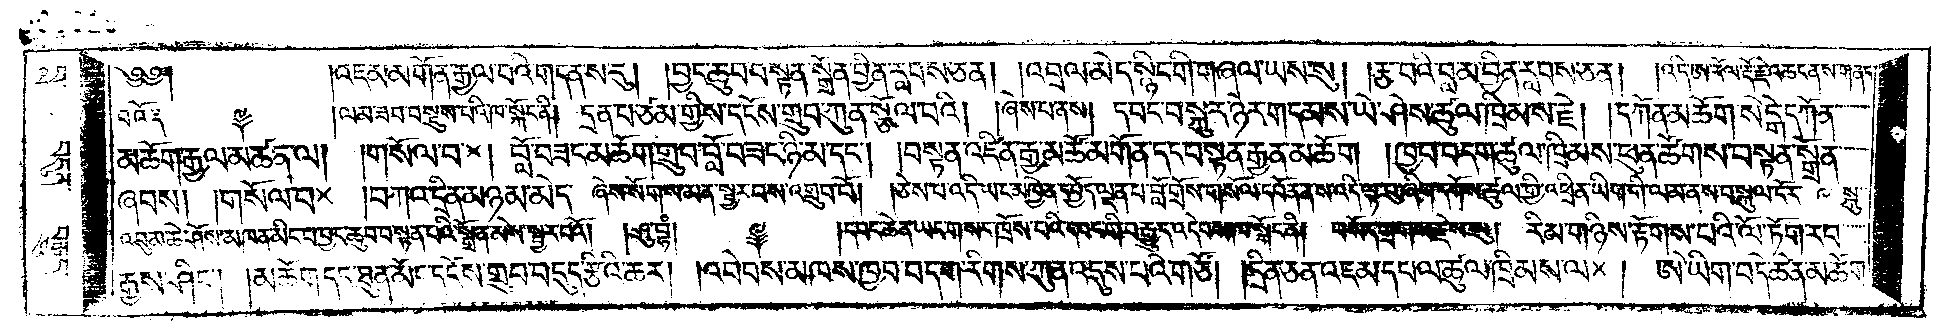༄༅། །འཇམ་མགོན་རྒྱལ་བའི་གདན་ས་རུ། །བྱང་ཆུབ་བསྟན་སྒྲོན་བྱིན་རླབས་ཅན། །འབྲལ་མེད་སྙིང་གི་གཞལ་ཡས་སུ། །རྩ་བའི་བླ་མ་བྱིན་རླབས་ཅན། །འདི་ཨ་རོལ་རྡོ་རྗེ་འཆང་ནས་གནང་
བའོ༑ ༈ །ལམ་ཟབ་བསྡུས་པའི་ཁ་སྐོང་ནི། དྲན་པ་ཙམ་གྱིས་དངོས་གྲུབ་ཀུན་སྩོལ་བའི། །ཞེས་པ་ནས།  དབང་བསྐུར་ཉེར་གདམས་ཡེ་ཤེས་ཚུལ་ཁྲིམས་རྗེ། །དཀོན་མཆོག་སེངྒེ་དཀོན་
མཆོག་རྒྱལ་མཚན་ལ། །གསོལ་བ་྾་། བློ་བཟང་མཆོག་གྲུབ་བློ་བཟང་ཉི་མ་དང་། །བསྟན་འཛིན་རྒྱ་མཚོ་མགོན་དང་བསྟན་རྒྱན་མཆོག །ཁྱབ་བདག་ཚུལ་ཁྲིམས་ཕུན་ཚོགས་བསྟན་སྒྲོན་
ཞབས། །གསོལ་བ་྾་།བཀའ་དྲིན་མཉམ་མེད་ཞེས་སོགས་མན་སྦྱར་བས་འགྲུབ་བོ། །ཅེས་པ་འདི་ཡང་མཁྱེན་དཔྱོད་ལྡན་པ་བློ་གྲོས་གསོལ་དཔོན་ནས་འདི་ལྟ་བུ་ཞིག་དགོས་ཚུལ་གྱི་འཕྲིན་ཡིག་གི་ལམ་ནས་བསྐུལ་ངོར་༧་སྐུ་
འབུམ་ཆེ་ཤོས་མཁན་མིང་པ་བྱང་ཆུབ་བསྟན་པའི་སྒྲོན་མེས་སྦྱར་བའོ། །ཤུ་བྷཾ། ༈ །དབང་ཆེན་ཡང་གསང་ཁྲོས་པའི་དབང་གི་བརྒྱུད་འདེབས་ཁ་སྐོང་ནི། བསོད་གྲགས་རྗེས་སུ། རིམ་གཉིས་རྟོགས་པའི་ལོ་ཏོག་རབ་
རྒྱས་ཤིང་། །མཆོག་དང་ཐུན་མོང་དངོས་གྲུབ་བདུད་རྩིའི་ཆར། །འབེབས་མཁས་ཁྱབ་བདག་རིགས་ཀུན་འདུས་པའི་གཙོ། །དྲིན་ཅན་འཇམ་དཔལ་ཚུལ་ཁྲིམས་ལ་྾། ཨེ་ཡིག་བདེ་ཆེན་མཆོག་